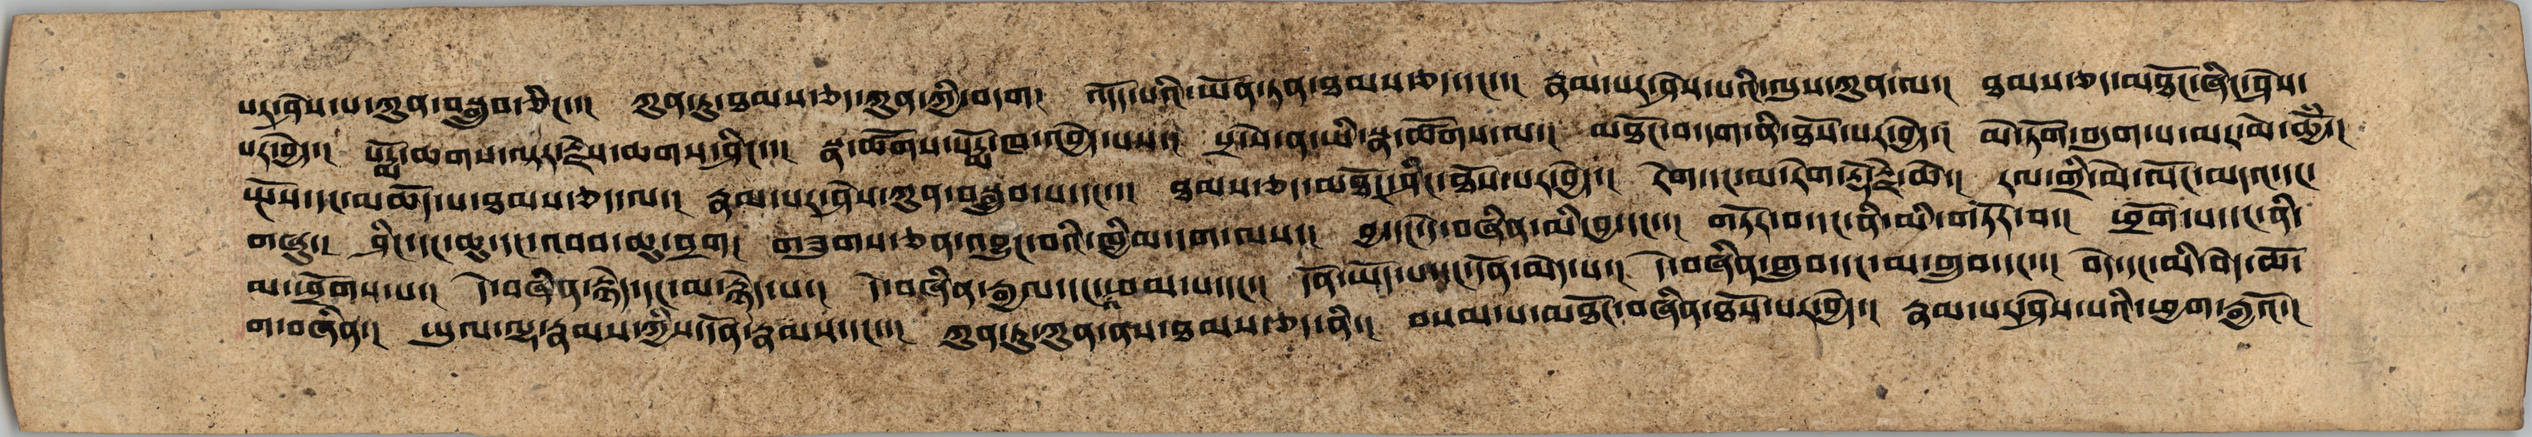པར་ཤེས་པ་ཀུན་བསྒྲུབ་ཅིང་་། ཀུན་ཏུ་ཐམས་ཅད་ཀུན་ཀྱི་བདག། འདོད་པའི་ཡོན་ཏན་ཐམས་ཅད་དང་་། རྣམ་པར་ཤེས་པའི་ལུས་ཀུན་ལ་། ཐམས་ཅད་མཐོང་ཞིང་ཤེས་
པར་བྱེད་། པདྨོ་ཆགས་ལྟར་རྗེས་ཆགས་ཤིང་་། སྣ་ཚོགས་པདྨོ་ཁ་འབྱེད་པས་། སྲ་སེ་ན་ཡི་སྣ་ཚོགས་ལ་། མཐོང་བ་དག་ནི་ཐོས་པར་བྱེད་། མེ་ཏོག་བདུག་པ་མར་མེ་ཆྱོི་།
སྤོས་དང་མཆོད་པ་ཐམས་ཅད་ལ་། རྣམ་པར་ཤེས་ཀུན་བསྒྲུབ་པ་དང་་། ཐམས་ཅད་མཐོང་ཤིང་ཐོས་པར་བྱེད་། རེག་དང་མ་རེག་རྡོ་རྗེ་ཆེ་། རལ་གྲི་མེ་ལོང་མདའ་དང་
གཞུ་། ཤིང་དང་ཆུ་དང་འབབ་ཆུ་བྲག། གཟུགས་ཅན་འབྱུང་བའི་ཁྱིམ་དག་ལས་། བྱ་དང་དེ་བཞིན་མི་བྱ་དང་་། གཏོར་བ་དང་ནི་མི་གཏོར་བ་། ཕྲོག་པ་དང་ནི་
མ་ཕྲོགས་པ་། དེ་བཞིན་རྙེད་དང་མ་རྙེད་པ་། དེ་བཞིན་རྒྱལ་དང་འཕམ་པ་དང་་། དོན་ཡོད་པ་དང་དོན་མེད་པ་། དེ་བཞིན་གྲུབ་དང་མ་གྲུབ་དང་་། བདེ་དང་མི་བདེ་མོ་
ག་བཞིན་། ཡུལ་ལྷ་རྣམས་ཀྱིས་དོན་རྣམས་དང་་། ཀུན་ཏུ་ཀུན་ནས་ཐམས་ཅད་ནི་། བསམ་པ་མཐོང་བཞིན་ཐོས་པར་བྱེད་། རྣམ་པར་ཤེས་པའི་ཕྱག་རྒྱའོ་།